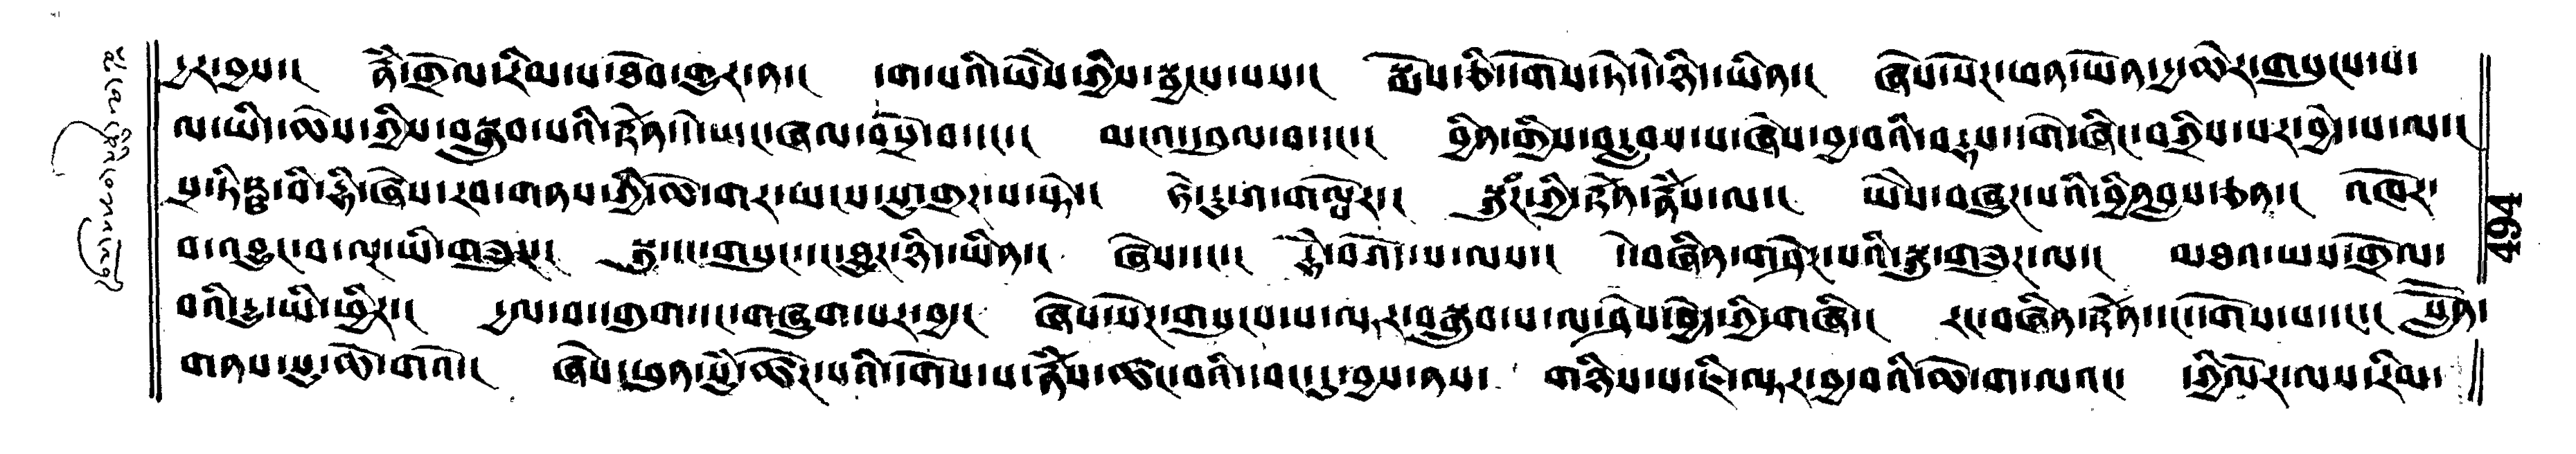རྒྱར་བྱས། །རྣམ་གྲོལ་རིམ་པ་ཐོབ་གྱུར་ན། །དག་པའི་ཡེ་ཤེས་ཀྱིས་སྦྱངས་པས། །སྨོས་ཅི་དགོས་ཏེ་དེ་ཉིད་ཡིན། ཞེས་སོགས་ཕན་ཡོན་རྒྱ་ཆེར་གསུངས་པ་
ལ་ཡིད་ཆེས་ཀྱིས་བསྒྲུབས་པའི་རྟེན་དེ་ཡང་ཞལ་བསྲོ་བ་དང་། མངའ་དབུལ་བ་དང་། བྱིན་གྱིས་བརླབས་པ་ཞེས་བྱ་བའི་བརྡས་དགེ་ཞིང་བཀྲ་ཤིས་པར་བྱེད་པ་ལ། 
པྲ་ཏིཥྛ་བི་དྷི་ཞེས་རབ་གནས་ཀྱི་ཆོ་གར་ཡོངས་སུ་གྲགས་པ་སྟེ། ཧེ་རུ་ཀ་གལྤོར། སྐུ་གསུང་ཐུགས་ཀྱི་རྟེན་རྣམས་ལ། །ཡེ་ཤེས་བཞུགས་པའི་བྱིན་རླབས་ཅན། །འཁོར་
བ་འབྱུང་བ་ལྔ་ཡི་གཟུགས། །སྐུ་དང་གསུང་དང་ཐུགས་ཉིད་ཡིན། ཞེས་དང་། རྡོ་རྗེ་བཀོད་པ་ལས། དེ་བཞིན་གཤེགས་པའི་སྐུ་གཟུགས་ལ། །མཐའ་ཡས་གྲོལ་
བའི་རྒྱུ་ཡི་ཕྱིར། །རྒྱལ་བ་དགུག་དང་གཞུག་པར་བྱ། ཞེས་སོགས་གསུངས་པ་ལྟར་བསྒྲུབ་པ་ལ་ཤེས་བྱེད་ཀྱི་གཞི།རང་བཞིན་རྟེན་དང་དགོས་པ་དང་། །སློབ་དཔོན་
གནས་སུ་ཆོ་གའོ། ཞེས་ཕུན་སུམ་ཚོགས་པའིདགོས་པ་རྣམས་ཚང་བའི་དབང་དུ་བྱས་ནས། གཉིས་པ་ཇི་ལྟར་བྱ་བའི་ཆོ་ག་ལའང་། དཀྱིལ་འཁོར་ལས་རིམ་